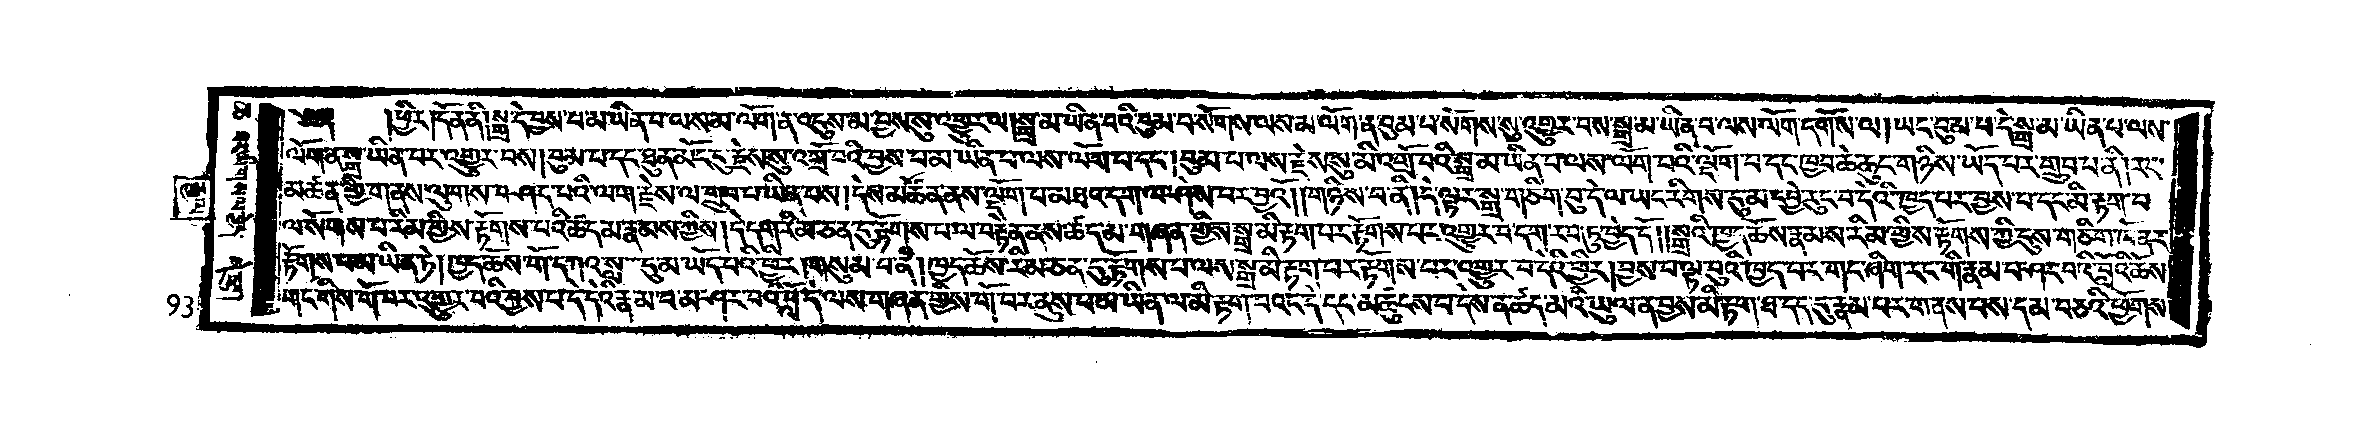༄༅། །ཕྱིར། དོན་ནི། སྒྲ་དེ་བྱས་པ་མ་ཡིན་པ་ལས་མ་ལོག་ན་འདུས་མ་བྱས་སུ་འགྱུར་ལ། སྒྲ་མ་ཡིན་པའི་བུམ་པ་སོགས་ལས་མ་ལོག་ན་བུམ་པ་སོགས་སུ་འགྱུར་བས་སྒྲ་མ་ཡིན་པ་ལས་ལོག་དགོས་ལ། ཡང་བུམ་པ་དེ་སྒྲ་མ་ཡིན་པ་ལས་
ལོག་ན་སྒྲ་ཡིན་པར་འགྱུར་བས། བུམ་པ་དང་ཐུན་མོང་དུ་རྗེས་སུ་འགྲོ་བའི་བྱས་པ་མ་ཡིན་པ་ལས་ལོག་པ་དང་། བུམ་པ་ལས་རྗེས་སུ་མི་འགྲོ་བའི་སྒྲ་མ་ཡིན་པ་ལས་ལོག་པའི་ལྡོག་པ་དང་ཁྱབ་ཆེ་ཆུང་གཉིས་ཡོད་པར་གྲུབ་པ་ནི། རང་
མཚན་གྱི་གནས་ལུགས་བཤད་པའི་ལག་རྗེས་ལ་གྲུབ་པ་ཡིན་པས། དེས་མཚོན་ནས་ལྡོག་པ་མཐའ་དག་ལ་ཤེས་པར་བྱའོ། །གཉིས་པ་ནི། དེ་ལྟར་སྒྲ་གཅིག་བུ་དེ་ལ་ཡང་རིགས་དུ་མ་དབྱེ་རུང་བ་དེའི་ཁྱད་པར་བྱས་པ་དང་མི་རྟག་པ་
ལ་སོགས་པ་རིམ་གྱིས་རྟོགས་པའི་ཚད་མ་རྣམས་ཀྱིས། དེ་དག་རིམ་ཅན་དུ་རྟོགས་པ་ལ་བརྟེན་ནས་ཚད་མ་གཞན་གྱིས་སྒྲ་མི་རྟག་པར་རྟོགས་པར་འགྱུར་བ་དག་རབ་ཏུ་བྱེད་དོ། །སྒྲའི་ཁྱད་ཆོས་རྣམས་རིམ་གྱིས་རྟོགས་ཀྱི་དུས་གཅིག་ཁོ་ནར་
རྟོགས་པ་མ་ཡིན་ཏེ། ཁྱད་ཆོས་གོ་དཀའ་སླ་དུ་མ་ཡོད་པའི་ཕྱིར། གསུམ་པ་ནི། ཁྱད་ཆོས་རིམ་ཅན་དུ་རྟོགས་པ་ལས་སྒྲ་མི་རྟག་པར་རྟོགས་པར་འགྱུར་བ་དེའི་ཕྱིར། བྱས་པ་ལྟ་བུའི་ཁྱད་པར་གང་ཞིག་རང་གི་རྣམ་པ་ཤར་བའི་བློའི་ཆོས་
གང་གིས་གོ་བར་འགྱུར་བའི་བྱས་པ་དེ་དེའི་རྣམ་པ་མ་ཤར་བའི་བློ་དེ་ལས་གཞན་གྱིས་གོ་བར་ནུས་པ་མ་ཡིན་ལ་མི་རྟག་པའང་དེ་དང་མཚུངས་པ་དེས་ན་ཚད་མའི་ཡུལ་ན་བྱས་མི་རྟག་ཐ་དད་དུ་རྣམ་པར་གནས་པས་དམ་བཅའི་ཕྱོགས་